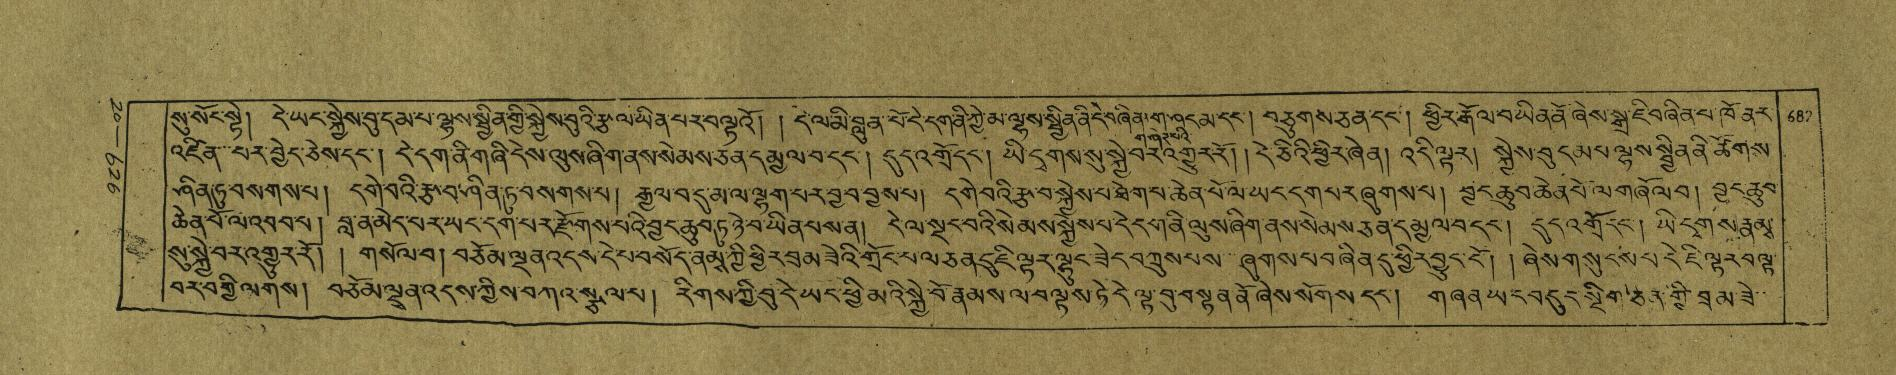སུ་སོང་སྟེ། དེ་ཡང་སྐྱེས་བུ་དམ་པ་ལྷས་སྦྱིན་གྱི་སྐྱེས་བུའི་རྩལ་ཡིན་པར་བལྟའོ། །དེ་ལ་མི་བླུན་པོ་དེ་དག་ནི་ཀྱེ་མ་ལྷས་སྦྱིན་ནི་དེ་བཞིན་གཤེཌ་པའི་གཤད་མ་དང་། བཅུགས་ཅན་དང་། ཕྱིར་རྒོལ་བ་ཡིན་ནོ་ཞེས་སྒྲ་ཇི་བཞིན་པ་ཁོ་ནར་
འཛིན་པར་བྱེད་ཅེས་དང་། དེ་དག་ནི་གཞི་དེས་ལུས་ཞིག་ནས་སེམས་ཅན་དམྱལ་བ་དང་། དུད་འགྲོ་དང་། ཡི་དྭགས་སུ་སྐྱེ་བར་འགྱུར་རོ། །དེ་ཅིའི་ཕྱིར་ཞེ་ན། འདི་ལྟར། སྐྱེས་བུ་དམ་པ་ལྷས་སྦྱིན་ནི་ཚོགས་
ཤིན་ཏུ་བསགས་པ། དགེ་བའི་རྩ་བ་ཤིན་ཏུ་བསགས་པ། རྒྱལ་བ་དུ་མ་ལ་ལྷག་པར་བྱ་བ་བྱས་པ། དགེ་བའི་རྩ་བ་སྐྱེས་པ་ཐེག་པ་ཆེན་པོ་ལ་ཡང་དག་པར་ཞུགས་པ། བྱང་ཆུབ་ཆེན་པོ་ལ་གཞོལ་བ། བྱང་ཆུབ་
ཆེན་པོ་ལ་འབབ་པ། བླ་ན་མེད་པར་ཡང་དག་པར་རྫོགས་པའི་བྱང་ཆུབ་ཏུ་ཉེ་བ་ཡིན་པས་ན། དེ་ལ་སྡང་བའི་སེམས་སྐྱེས་པ་དེ་དག་ནི་ལུས་ཞིག་ནས་སེམས་ཅན་དམྱལ་བ་དང་། དུད་འགྲོ་དང་། ཡི་དྭགས་རྣམས་
སུ་སྐྱེ་བར་འགྱུར་རོ། །གསོལ་བ། བཅོམ་ལྡན་འདས་དེ་པ་བསོད་ནམས་ཀྱི་ཕྱིར་བྲམ་ཟེའི་གྲོང་པ་ལ་ཅན་དུ་ཇི་ལྟར་ལྷུང་ཟེད་བཀྲུས་པས་ཞུགས་པ་བཞིན་དུ་ཕྱིར་བྱུང་ངོ། །ཞེས་གསུངས་པ་དེ་ཇི་ལྟར་བལྟ་
བར་བགྱི་ལགས། བཅོམ་ལྡན་འདས་ཀྱིས་བཀའ་སྩལ་པ། རིགས་ཀྱི་བུ་དེ་ཡང་ཕྱི་མའི་སྐྱེ་བོ་རྣམས་ལ་བལྟས་ཏེ་དེ་ལྟ་བུ་བསྟན་ནོ་ཞེས་སོགས་དང་། གཞན་ཡང་བདུད་སྡིག་ཅན་གྱི་བྲམ་ཟེ་